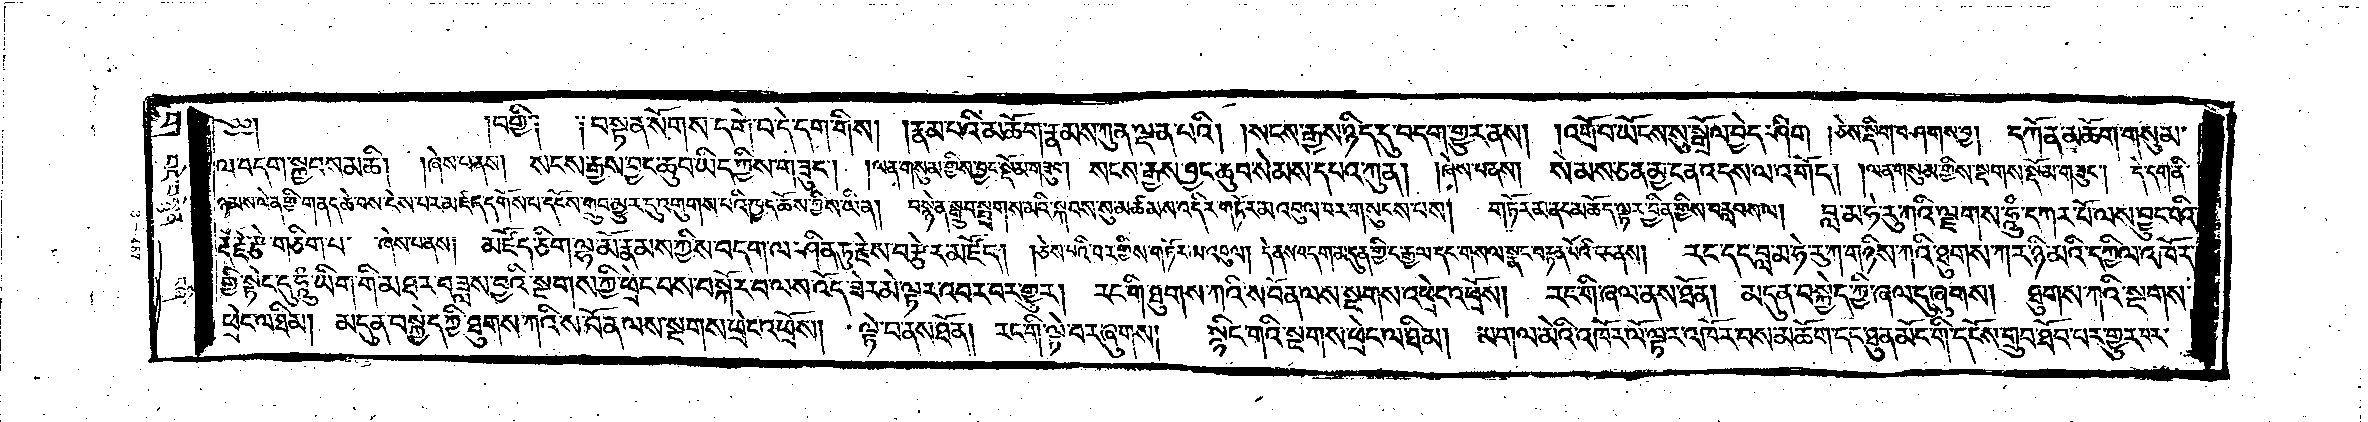༄༅། །བགྱི༑ ༑བསྟན་སོགས་དགེ་བ་དེ་དག་གིས། །རྣམ་པའི་མཆོག་རྣམས་ཀུན་ལྡན་པའི། །སངས་རྒྱས་ཉིད་དུ་བདག་གྱུར་ནས། །འགྲོ་བ་ཡོངས་སུ་སྒྲོལ་བྱེད་ཤོག །ཅེས་སྡིག་བཤགས་བྱ། དཀོན་མཆོག་གསུམ་
ལ་བདག་སྐྱབས་མཆི། །ཞེས་པ་ནས།  སངས་རྒྱས་བྱང་ཆུབ་ཡིད་ཀྱིས་གཟུང་། །ལན་གསུམ་གྱིས་བྱང་སྡོམ་གཟུར།  སངས་རྒྱས་བྱང་ཆུབ་སེམས་དཔའ་ཀུན། །ཞེས་པ་ནས།  སེམས་ཅན་མྱ་ངན་འདས་ལ་འགོད། །ལན་གསུམ་གྱིས་སྔགས་སྡོམ་གཟུང་། དེ་དག་ནི་
ཉམས་ལེན་གྱི་གནད་ཆེ་བས་ངེས་པར་མཛད་དགོས་པ་དངོས་གྲུབ་མྱུར་དུ་འགུགས་པའི་ཁྱད་ཆོས་ཀྱིས་ཡིན། །བསྙེན་སྒྲུབ་སྦྲགས་མའི་སྐབས་སུ་མཚམས་འདིར་གཏོར་མ་འབུལ་བར་གསུངས་པས། །གཏོར་མ་ནང་མཆོད་ལྟར་བྱིན་གྱིས་བརླབས་ལ། བླ་མ་ཧེ་རུ་ཀའི་ལྗགས་ཧཱུཾ་དཀར་པོ་ལས་བྱུང་བའི་
རྡོ་རྗེ་རྩེ་གཅིག་པ་ཞེས་པ་ནས།  མཛོད་ཅིག་ལྷ་མོ་རྣམས་ཀྱིས་བདག་ལ་ཤིན་ཏུ་རྗེས་བརྩེར་མཛོད། །ཅེས་པའི་བར་གྱིས་གཏོར་མ་འབུལ། དེ་ནས་བདག་མདུན་གྱི་ང་རྒྱལ་དང་གསལ་སྣང་བརྟན་པོའི་ངང་ནས། རང་དང་བླ་མ་ཧེ་རུ་ཀ་གཉིས་ཀའི་ཐུགས་ཀར་ཉི་མའི་དཀྱིལ་འཁོར་
གྱི་སྟེང་དུ་ཧཱུཾ་ཡིག་གི་མཐར་བཟླས་བྱའི་སྔགས་ཀྱི་ཕྲེང་བས་བསྐོར་བ་ལས་འོད་ཟེར་མེ་ལྟར་འབར་བར་གྱུར། རང་གི་ཐུགས་ཀའི་ས་བོན་ལས་སྔགས་འཕྲེང་འཕྲོས། རང་གི་ཞལ་ནས་ཐོན། མདུན་བསྐྱེད་ཀྱི་ཞལ་དུ་ཞུགས། ཐོས་ཀའི་སྔགས་
ཕྲེང་ལ་ཐིམ། མདུན་བསྐྱེད་ཀྱི་ཐུགས་ཀའི་ས་བོན་ལས་སྔགས་ཕྲེང་འཕྲོས། ལྟེ་བ་ནས་ཐོན། རང་གི་ལྟེ་བར་ཞུགས། སྙིང་གའི་སྔགས་ཕྲེང་ལ་ཐིམ། མགལ་མེའི་འཁོར་ལོ་ལྟར་འཁོར་བས་མཆོག་དང་ཐུན་མོང་གི་དངོས་གྲུབ་ཐོབ་པར་གྱུར་བར་